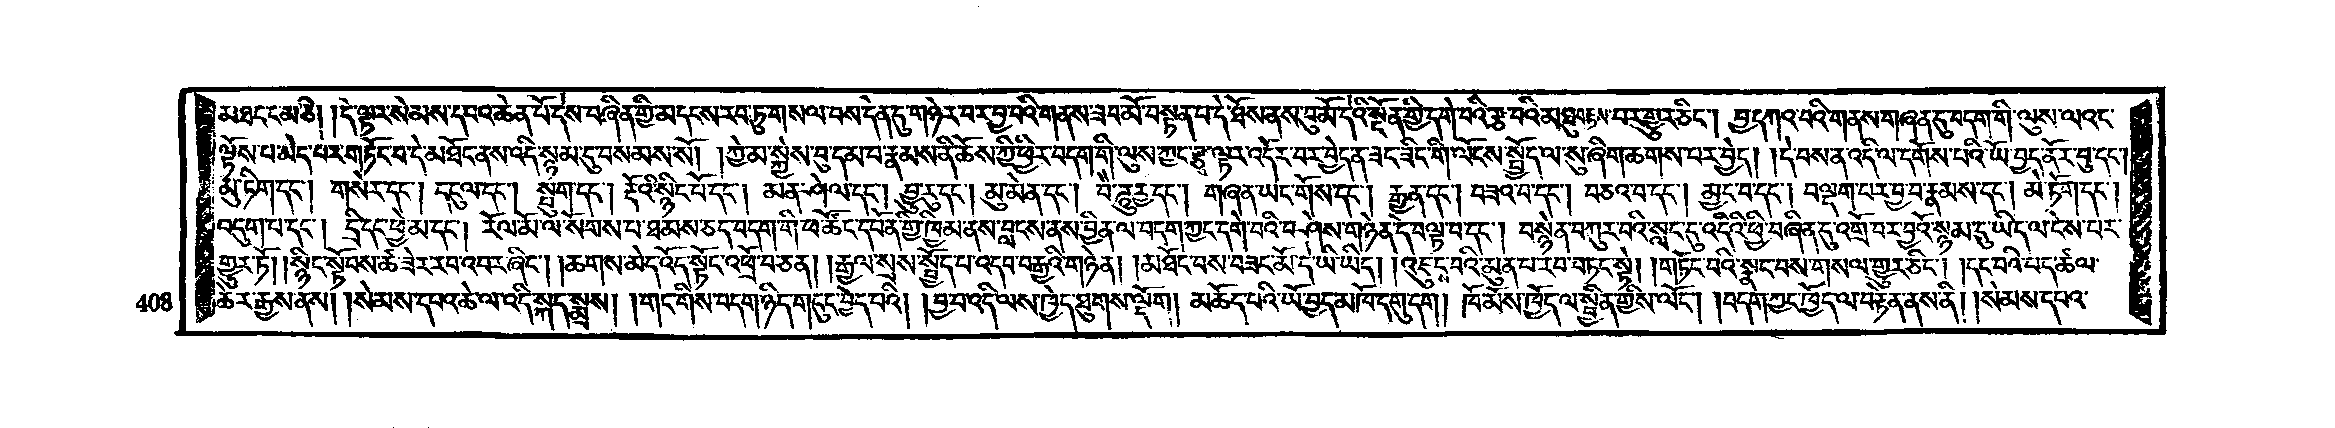མཐོང་ངམ་ཅི། །དེ་ལྟར་སེམས་དཔའ་ཆེན་པོ་དེས་བཞིན་གྱི་མདངས་རབ་ཏུ་གསལ་བས་དོན་དུ་གཉེར་བར་བྱ་བའི་གནས་ཟབ་མོ་བསྟན་པ་དེ་ཐོས་ནས་བུ་མོ་དེའི་སྔོན་གྱི་དགེ་བའི་རྩ་བའི་མཐུ་བརྟས་པར་གྱུར་ཅིང་། བྱ་དཀའ་བའི་གནས་གཞན་དུ་བདག་གི་ལུས་ལའང་
ལྟོས་པ་མེད་པར་གཏོང་བ་དེ་མཐོང་ནས་འདི་སྙམ་དུ་བསམས་སོ། །ཀྱེ་མ་སྐྱེས་བུ་དམ་པ་རྣམས་ནི་ཆོས་ཀྱི་ཕྱིར་བདག་གི་ལུས་ཀྱང་རྩྭ་ལྟར་འདོར་བར་བྱེད་ན་ཟང་ཟིང་གི་ལོངས་སྤྱོད་ལ་སུ་ཞིག་ཆགས་པར་བྱེད། །དེ་བས་ན་འདི་ལ་དགོས་པའི་ཡོ་བྱད་ནོར་བུ་དང་།
མུ་ཏིག་དང་། གསེར་དང་། དངུལ་དང་། སྤུག་དང་། རྡོའི་སྙིང་པོ་དང་། མན་ཤེལ་དང་། བྱུ་རུ་དང་། མུ་མིན་དང་། བཻ་ཌཱུརྱ་དང་། གཞན་ཡང་གོས་དང་། རྒྱན་དང་། བཟའ་བ་དང་། བཅའ་བ་དང་། མྱང་བ་དང་། བལྡག་པར་བྱ་བ་རྣམས་དང་། མེ་ཏོག་དང་།
བདུག་པ་དང་། དྲི་དང་ཕྱེ་མ་དང་། རོལ་མོ་ལ་སོགས་པ་ཐམས་ཅད་བདག་གི་ཕ་ཚོང་དཔོན་གྱི་ཁྱིམ་ནས་བླངས་ནས་བྱིན་ལ་བདག་ཀྱང་དགེ་བའི་བཤེས་གཉེན་དེ་བལྟ་བ་དང་། བསྙེན་བཀུར་བའི་སླད་དུ་འདིའི་ཕྱི་བཞིན་དུ་འགྲོ་བར་བྱའོ་སྙམ་དུ་ཡིད་ལ་ངེས་པར་
གྱུར་ཏོ། །སྙིང་སྟོབས་ཚ་ཟེར་རབ་འབར་ཞིང་། །ཆགས་མེད་འོད་སྟོང་འཕྲོ་བ་ཅན། །རྒྱལ་སྲས་སྤྱོད་པ་འདབ་བརྒྱའི་གཉེན། །མཐོང་བས་བཟང་མོ་དེ་ཡི་ཡིད། །འཇུངས་པའི་མུན་པ་རབ་བཏང་སྟེ། །གཏོང་བའི་སྣང་བས་གསལ་གྱུར་ཅིང་། །དང་བའི་པད་ཚལ་
ཆེར་རྒྱས་ནས། །སེམས་དཔའ་ཆེ་ལ་འདི་སྐད་སྨྲས། །གང་གིས་བདག་ཉིད་གདུང་བྱེད་པའི། །བྱ་བ་འདི་ལས་ཁྱེད་ཐུགས་ལྡོག། མཆོད་པའི་ཡོ་བྱད་མཁོ་དགུ་དག། ཁོ་མོས་ཁྱོད་ལ་སྦྱིན་གྱིས་ལོང་། །བདག་ཀྱང་ཁྱོད་ལ་བརྟེན་ནས་ནི། །སེམས་དཔའ་